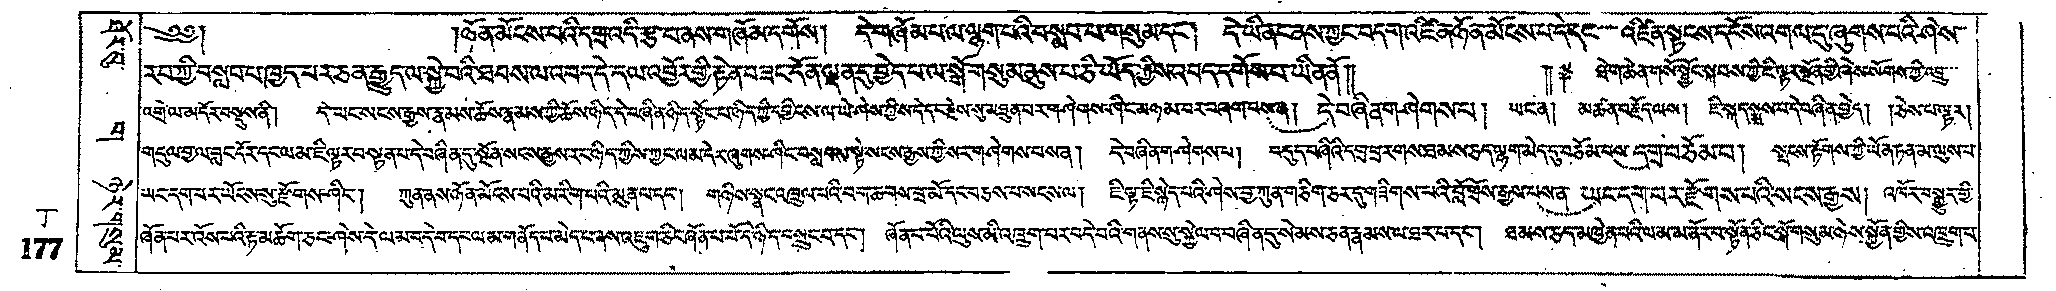༄༅། །ཉོན་མོངས་པའི་དགྲ་འདི་རྩ་བ་ནས་གཞོམ་དགོས། དེ་གཞོམ་པ་ལ་ལྷག་པའི་བསླབ་པ་གསུམ་དང་། དེ་ཡི་ནང་ནས་ཀྱང་བདག་འཛིན་ཉོན་མོངས་པ་དེ་དང་་་འཛིན་སྟངས་དངོས་འགལ་དུ་ཞུགས་པའི་ཤེས་་་
རབ་ཀྱི་བསླབ་པ་ཁྱད་པར་ཅན་རྒྱུད་ལ་སྐྱེ་བའི་ཐབས་ལ་འབད་དེ་དལ་འབྱོར་གྱི་རྟེན་བཟང་དོན་ལྡན་དུ་བྱེད་པ་ལ་སྒོ་གསུམ་ནུས་པ་ཅི་ཡོད་ཀྱིས་འབད་དགོས་པ་ཡིན་ནོ།། །། འ་ཐེག་ཆེན་གསོ་སྦྱོང་སྐབས་ཀྱི་ཇི་ལྟར་སྔོན་གྱི་ཞེས་སོགས་ཀྱི་འབྲུ་་་
འགྲེལ་མདོར་བསྡུས་ནི། དེ་ཡང་སངས་རྒྱས་རྣམས་ཆོས་རྣམས་ཀྱི་ཆོས་ཉིད་དེ་བཞིན་ཉིད་སྟོང་པ་ཉིད་ཀྱི་དབྱིངས་ལ་ཡེ་ཤེས་ཀྱིས་དེ་དང་རྗེས་སུ་མཐུན་པར་གཤེགས་ཤིང་མཉམ་པར་བཞག་པས་ན། དེ་བཞིན་གཤེགས་པ། ཡང་ན། མཚན་བརྗོད་ལས། ཇི་སྐད་སྨྲས་པ་དེ་བཞིན་བྱེད། །ཅེས་པ་ལྟར།
གདུལ་བྱ་ལ་བླང་དོར་དང་ལམ་ཇི་ལྟར་བསྟན་པ་དེ་བཞིན་དུ་སྔོན་སངས་རྒྱས་རང་ཉིད་ཀྱིས་ཀྱང་ལམ་དེར་ཞུགས་ཤིང་བསླབས་སྟེ་སངས་རྒྱས་ཀྱི་སར་གཤེགས་པས་ན། དེ་བཞིན་གཤེགས་པ། བདུད་བཞིའི་དགྲ་ཕྲ་རགས་ཐམས་ཅད་ལྷག་མེད་དུ་བཅོམ་པས་དགྲ་བཅོམ་པ། སྤངས་རྟོགས་ཀྱི་ཡོན་ཏན་མ་ལུས་པ་
ཡང་དག་པར་ཡོངས་སུ་རྫོགས་ཤིང་། ཀུན་ནས་ཉོན་མོངས་པའི་མ་རིག་པའི་མུན་པ་དང་། གཉིས་སྣང་འཁྲུལ་པའི་བག་ཆགས་ཕྲ་མོ་དང་བཅས་པ་སངས་ལ། ཇི་ལྟ་ཇི་སྙེད་པའི་ཤེས་བྱ་ཀུན་གཅིག་ཅར་དུ་གཟིགས་པའི་བློ་གྲོས་རྒྱས་པས་ན་ཡང་དག་པར་རྫོགས་པའི་སངས་རྒྱས། འཁོར་བསྒྱུར་གྱི་
ཞོན་པར་འོས་པའི་རྟ་མཆོག་ཅང་ཤེས་དེ་ལམ་བདེ་བ་དང་ལམ་གནོད་པ་མེད་པ་ནས་འཇུག་ཅིང་ཞོན་པ་པོ་དེ་ཉིད་བསྲུང་བ་དང་། ཞོན་པ་པོའི་ལུས་མི་འཁྲུག་པར་བདེ་བའི་གནས་སུ་སྐྱེལ་བ་བཞིན་དུ་སེམས་ཅན་རྣམས་ལ་ཐར་པ་དང་། ཐམས་ཅད་མཁྱེན་པའི་ལམ་མ་ནོར་བ་སྟོན་ཅིང་སྒོ་གསུམ་ཉེས་སྐྱོན་གྱིས་འཁྲུག་པ་